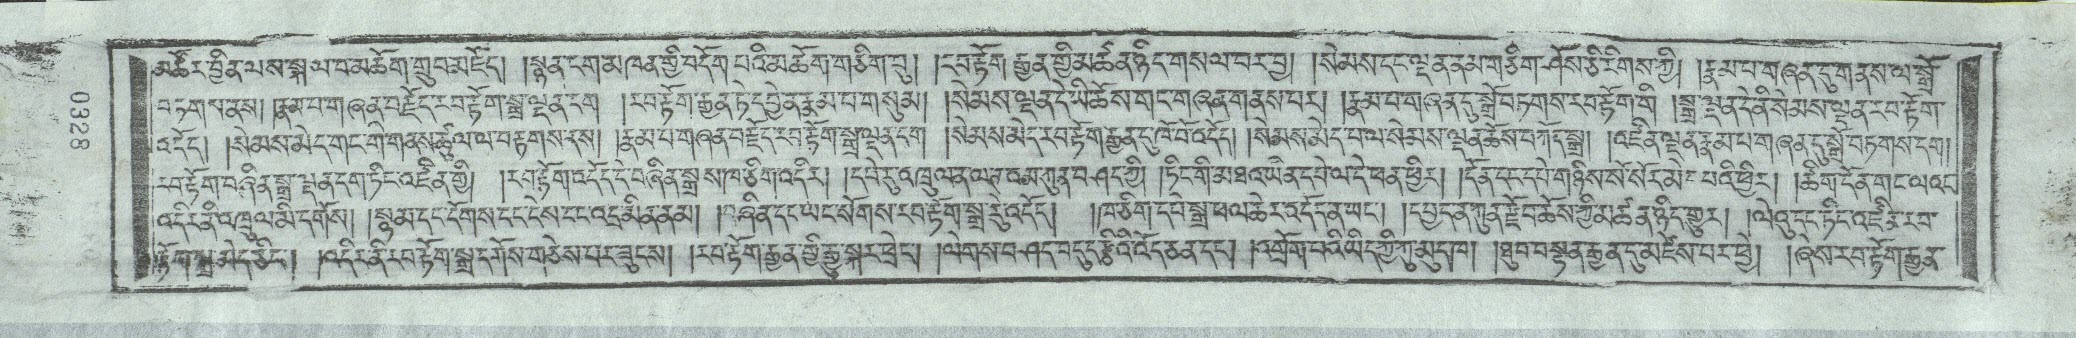མཚོར་བྱིན་ལས་སྐལ་བ་མཆོག་གྲུབ་མཛོད། །སྙན་ངག་མཁན་གྱི་འདོག་པའི་མཆོག་གཅིག་བུ། །རབ་རྟོག་རྒྱན་གྱི་མཚན་ཉིག་གསལ་བར་བྱ། །སེམས་དང་ལྡན་ནམ་གཅིག་ཤོས་ཅི་རིགས་ཀྱི། །རྣམ་པ་གཞན་དུ་གནས་ལ་སྒྲོ་
བཏགས་ནས། །རྣམ་པ་གཞན་བརྗོད་རབ་རྟོག་སྦྲ་ལྡན་ངག །རབ་རྟོག་རྒྱན་ཏེ་དབྱེ་ན་རྣམ་པ་གསུམ། །སེམས་ལྡན་དེ་ཡི་ཆོས་གང་གཞན་གནས་པར། །རྣམ་པ་གཞན་དུ་སྒྲོ་བཏགས་རབ་རྟོག་གི །སྒྲ་ལྡན་དེ་ནི་སེམས་ལྡན་རང་རྟོག་
འདོད། །སེམས་མེད་གང་གི་གནས་ཚུལ་ལ་བརྟགས་རས། །རྣམ་པ་གཞན་བརྗོད་རབ་རྟོག་སྒྲ་ལྡན་དག །སེམས་མེད་རབ་རྟོག་རྒྱན་དུ་ཁོ་བོ་འདོད། །སེམས་མེད་པ་ལ་སེམས་ལྡན་ཆོས་བཀོད་སྒྲ། །འཛིན་ལྡན་རྣམ་པ་གཞན་དུ་སྒྲོ་བཏགས་རག །
རབ་རྟོག་བཞིན་སྒྲ་ལྡན་དག་ཏིང་འཛིན་གྱི། །རབ་རྟོག་འདོད་དེ་བཞིན་སྒྲས་ཁ་ཅིག་འདིར། །དཔེ་དུ་འཁྲུལ་ན་ལཊ་འམ་ཀུན་བཤད་ཀྱི། །ཏིང་གི་མཐའ་ཡིན་དཔེ་ལ་དེ་གན་ཕྱིར། དོན་དང་དཔེ་གཉིས་སོ་སོར་མེ་བའི་ཕྱིར། །ཚིག་དོན་གང་ལའང་
འདིར་ནི་འཁྲུལ་མི་དགོས། །སྙམ་དང་དོགས་དང་ངེས་དང་འདྲ་མིན་ནམ། །བཞིན་དང་ཡང་སོགས་རབ་རྟོག་སྒྲ་རུ་འདོད། །ཁ་ཅིག་དཔེ་སྒྲ་ཕལ་ཆེར་འདོད་ན་ཡང་། །དབྱད་ན་ཀུན་རྫོབ་ཆོས་ཀྱི་མཚན་ཉིད་གྱུར། །ལེའུ་དང་ཏིང་འཛིན་རབ་
རྟོག་སྒྲ་མེད་ཅིང་། །འདིར་ནི་རབ་རྟོག་སྒྲ་དགོས་གཅེས་པར་བཟུང་། །རབ་རྟོག་རྒྱན་གྱི་རྒྱུ་སྐར་ཕྲེང་། །ལེགས་བཤད་བདུད་རྩིའི་འོད་ཅན་དང་། །འགྲོག་པའི་ཡིད་ཀྱི་ཀུ་མུད་ཁ། །ཐུབ་བསྟོན?་རྒྱན་དུ་མཛེས་པར་ཕྱེད། །ཞེས་རབ་རྟོག་རྒྱན་